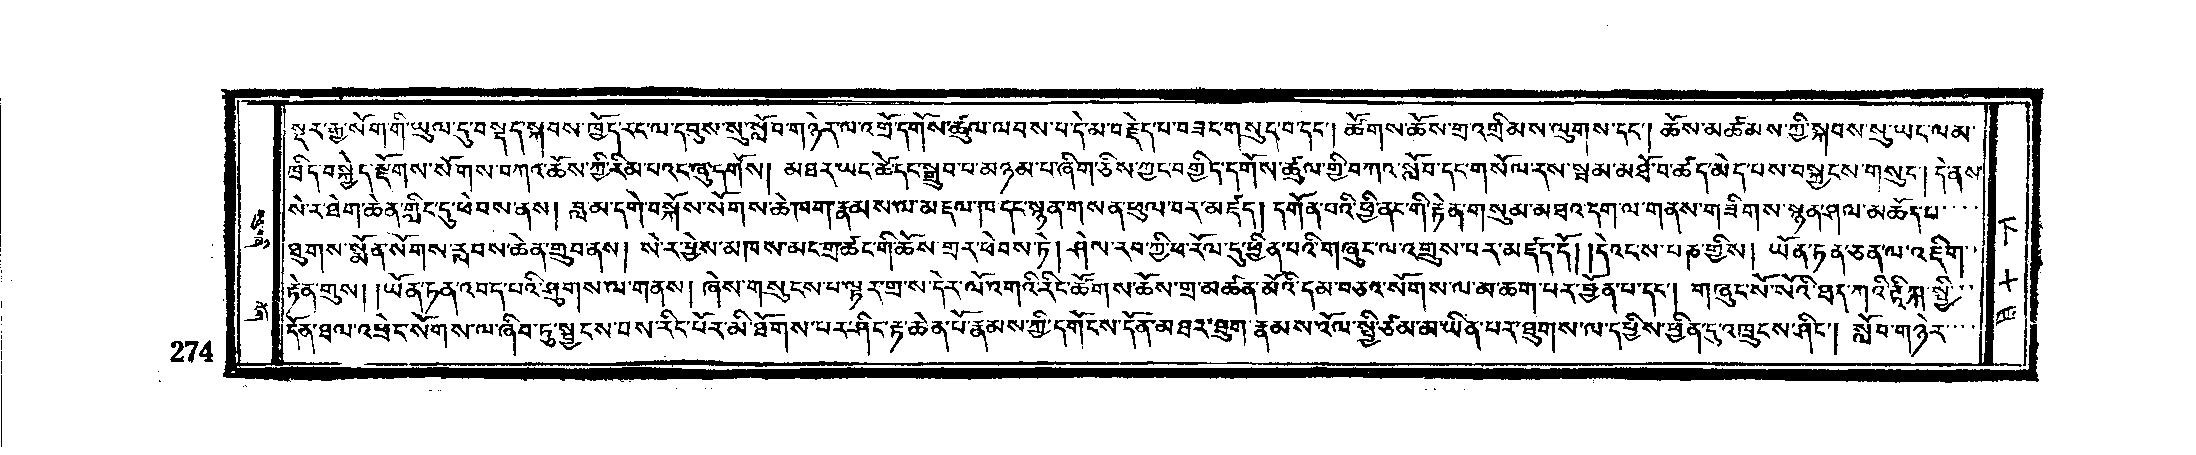སྔར་རྒྱ་སོག་གི་ཡུལ་དུ་བསྡད་སྐབས་ཁྱོད་རང་ལ་དབུས་སུ་སློབ་གཉེར་ལ་འགྲོ་དགོས་ཚུལ་ལབས་པ་དེ་མ་བརྗེད་པ་བཟང་གསུང་བ་དང་། ཚོགས་ཆོས་གྲ་འགྲིམས་ལུགས་དང་། ཆོས་མཚམས་ཀྱི་སྐབས་སུ་ཡང་ལམ་
ཁྲིད་བསྐྱེད་རྫོགས་སོགས་བཀའ་ཆོས་ཀྱི་རིམ་པའང་ཞུ་དགོས། མཐར་ཡང་ཚེ་དང་སྒྲུབ་པ་མཉམ་པ་ཞིག་ཅིས་ཀྱང་བགྱིད་དགོས་ཚུལ་གྱི་བཀའ་སློབ་དང་གསོལ་རས་སྦམ་མཐོ་བ་ཚད་མེད་པས་བསྐྱངས་གསུང་། དེ་ནས་
སེ་ར་ཐེག་ཆེན་གླིང་དུ་ཕེབས་ནས། བླ་མ་དགེ་བསྐོས་སོགས་ཆེ་ཁག་རྣམས་ལ་མཇལ་ཁ་དང་སྙན་གསན་ཕུལ་བར་མཛད། དགོན་པའི་ཕྱི་ནང་གི་རྟེན་གསུམ་མཐའ་དག་ལ་གནས་གཟིགས་སྙན་ཤལ་མཆོད་པ་
ཐུགས་སྨོན་སོགས་རླབས་ཆེན་གྲུབ་ནས། སེ་ར་བྱེས་མཁས་མང་གྲ་ཚང་གི་ཆོས་གྲར་ཕེབས་ཏེ། ཤེས་རབ་ཀྱི་ཕ་རོལ་དུ་ཕྱིན་པའི་གཞུང་ལ་འགྲུས་པར་མཛད་དོ། །དེའང་ས་པཎ་གྱིས། ཡོན་ཏན་ཅན་ལ་འཇིག་
རྟེན་གུས། །ཡོན་ཏན་འབད་པའི་ཤུགས་ལ་གནས། ཞེས་གསུངས་པ་ལྟར་གྲ་ས་དེར་ལོ་འགའི་རིང་ཚོགས་ཆོས་གྲ་མཚན་མོའི་དམ་བཅའ་སོགས་ལ་མ་ཆག་པར་བྱོན་པ་དང་། གཞུང་སོ་སོའི་ཐད་ཀའི་ཊཱིཀྐ་སྤྱི་
དོན་ཐལ་འཕྲེང་སོགས་ལ་ཞིབ་ཏུ་སྦྱངས་པས་རིང་པོར་མི་ཐོགས་པར་ཤིང་རྟ་ཆེན་པོ་རྣམས་ཀྱི་དགོངས་དོན་མཐར་ཐུག་རྣམས་འོལ་སྤྱི་ཙམ་མ་ཡིན་པར་ཐུགས་ལ་དཔྱིས་ཕྱིན་དུ་འཁྲུངས་ཤིང་། སློབ་གཉེར་